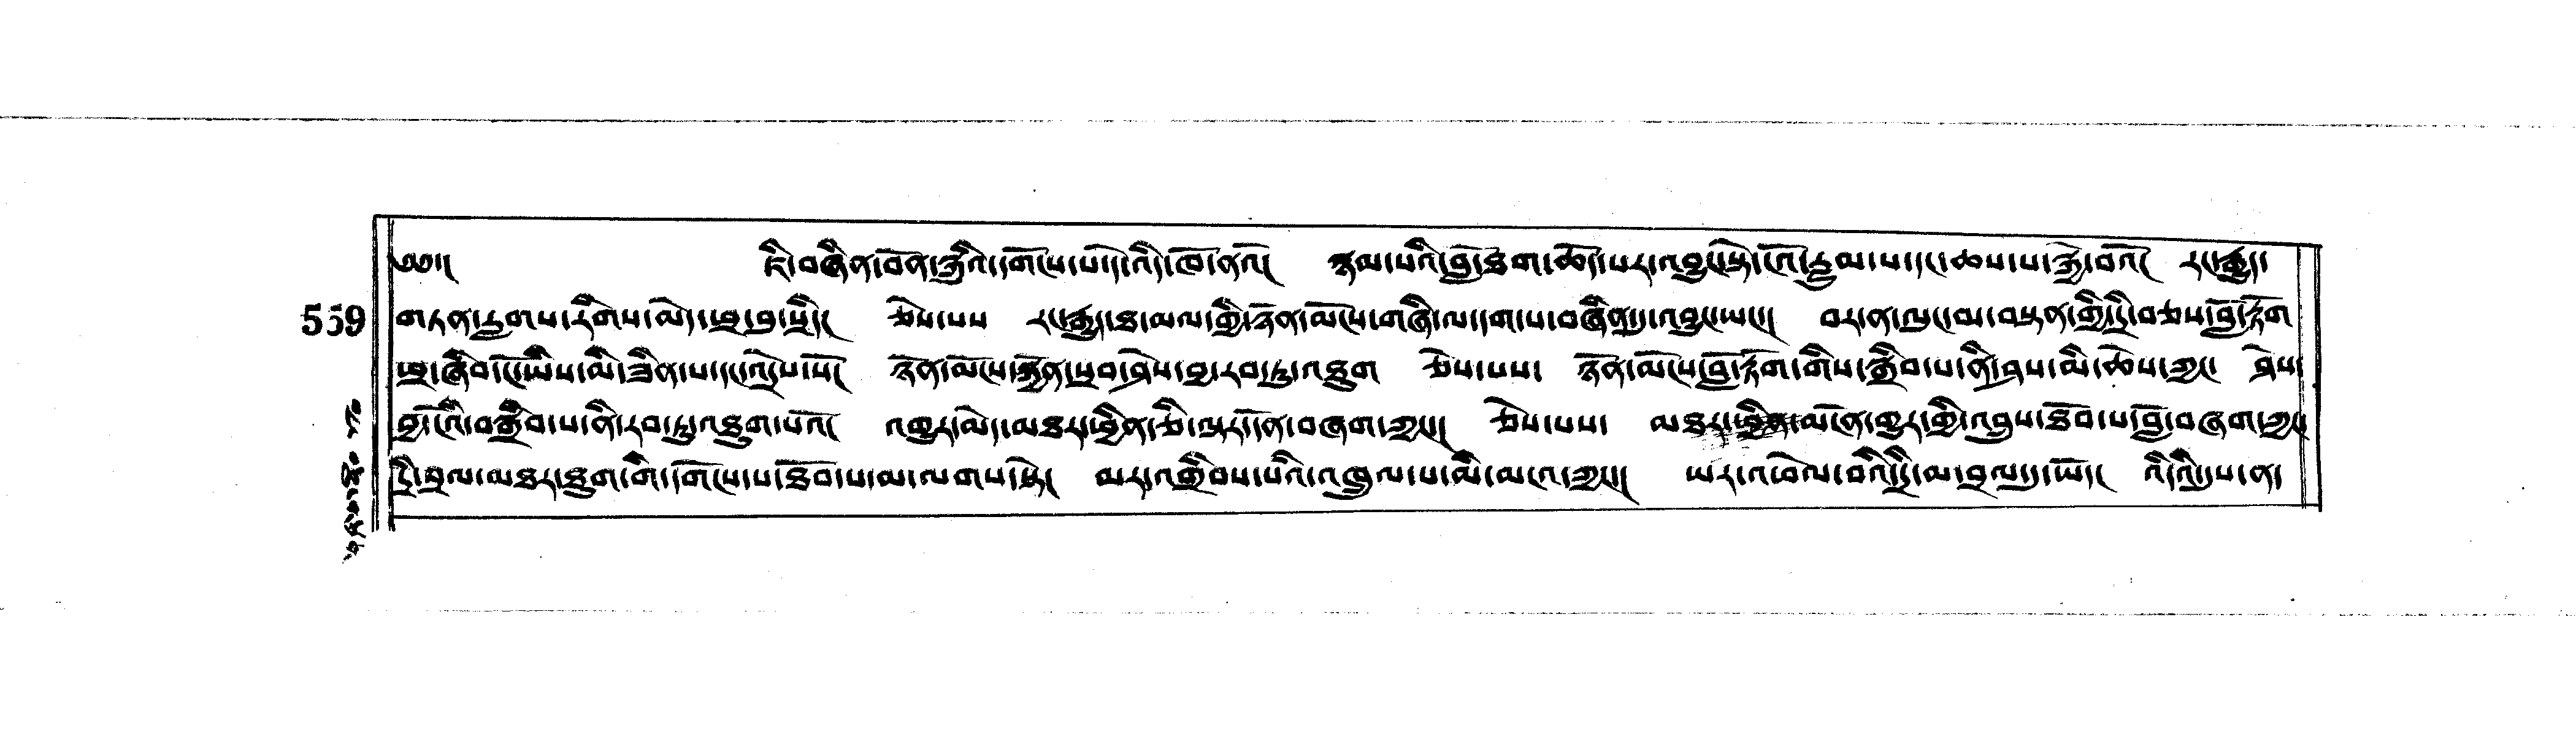ཇི་བཞིན་བོན་སྐུའི་དགོངས་པ་དེ་འདི་ཁོ་ནའོ། སྙམ་པའི་བློ་ཐག་ཆོད་པར་འབྱུང་སྟེ། ངའོ་རློམ་པ་དང་ཆས་པ་སྐྱེ་བའོ། རང་རྒྱུད་
གཏན་རླག་རིགས་མེད་ཕྲ་བུ་སྲིད། ཅེས་པས། རང་རྒྱུད་ཐ་མལ་གྱི་ཉོན་མོངས་གཞི་ལ་དག་པ་བཞིན་དུ་འབྱུང་ཡང་། བར་ན་ལུང་མ་བསྟན་གྱི་དྲི་བཅས་བློ་རྟོག་
ཕྲ་ཞིབ་ངོ་ཡིས་མི་ཟིན་པ་དང་འདྲེས་སོ། ཉོན་མོིངས་སྐྱོན་སྲབ་ཤེས་བྱ་རབ་ཏུ་འཐུག ཅེས་པས། ཉོན་མོངས་བློ་རྟོག་གིས་སྒྲིབ་པ་ནི་ཤས་མི་ཆེས་ཀྱང་། ཤེས་
བྱ་ངོ་ཡི་སྒྲིབ་པ་ནི་རབ་ཏུ་འཐུག་པའོ། འགྱུར་མེད་མཐར་ཕྱིན་ཅི་ལྟར་དོན་བཞག་ཀྱང་། ཅེས་པས། མཐར་ཕྱིན་མངོན་གྱུར་གྱི་འབྲས་བུ་ཐོབ་པ་བློས་བཞག་ཀྱང་། 
དྲི་བྲལ་མཐར་ཐུག་གི་དགོངས་པ་ཐོབ་པ་མ་ལགས་ཏེ། མར་འགྲིབ་པའི་འཁྲུལ་པ་མི་མངའ་ཀྱང་། ཡར་འཕེལ་བའི་དྲི་མ་བྲལ་དུ་ཡོད། འདིའི་དུས་ན་